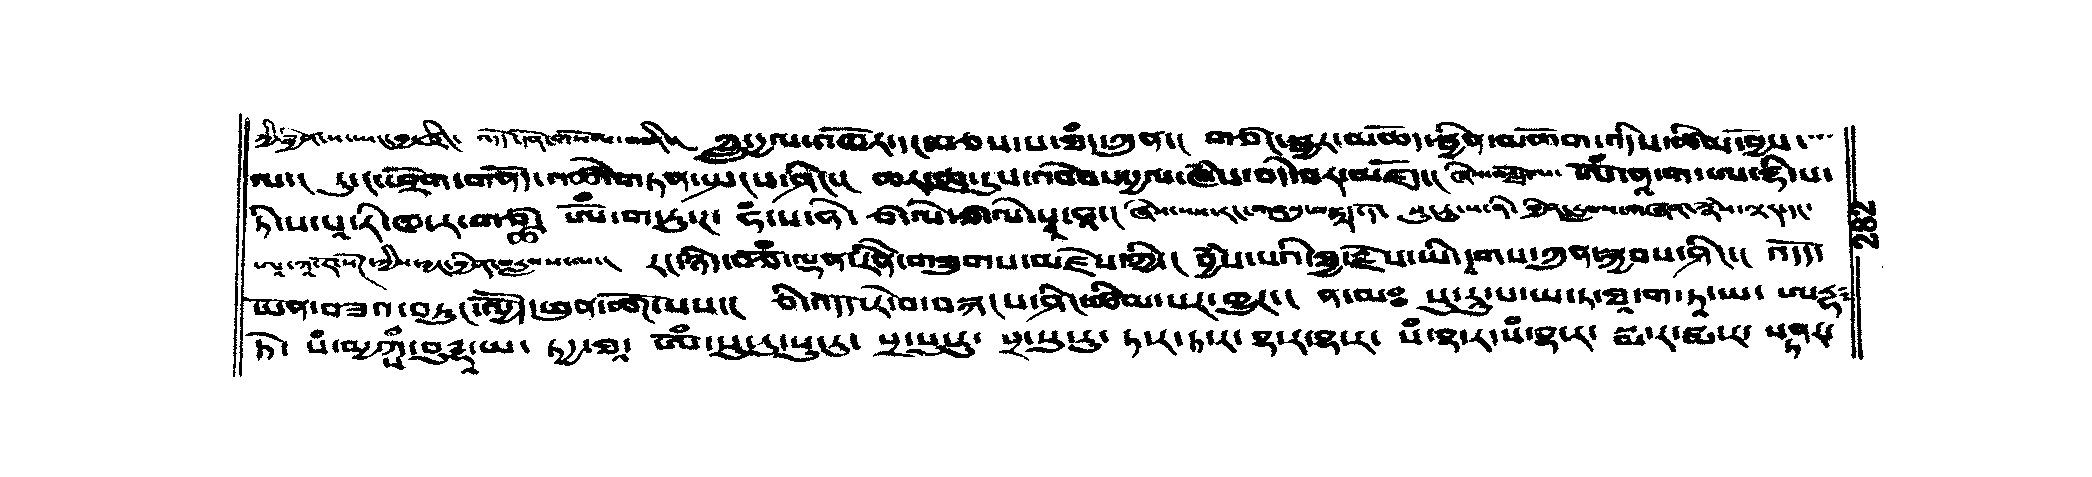སྦྱིན་པ་ཡང་བྱ་ཞིང་། འདོད་དོན་གསོལ་བ་ནི། ཀླུ་རྒྱལ་འཁོར་དང་བཅས་པ་ཐམས་ཅད་ཀུན། །གཙང་སྦྱར་མཆོད་སྦྱིན་མཆོག་འདིས་ཚིམ་བྱོས་
ལ། །རུ་ང་ཕྲག་དོག་གནོད་འཚེ་གཏན་སྤངས་ཤིང་། །ཆར་ཆུ་དུས་འབེབས་རྒྱལ་ཁམས་བདེ་བར་མཛོད། ། ཞེས་བརྗོད་ལ། ཨོྃ་ནཱ་ག་ཨ་དྷི་པ་
ཏི་ས་པཱ་རི་ཝ་ར་གཙྪ། ཨོྃ་ག་རུ་ཌ། ཧཾ་ས་ཧེ། ཙ་ལེ་ཙ་ལེ་སྭཱ་ཧཱ། ཞེས་པས་རང་གནས་སུ་བསྐྲད་དོ། སུ་རཱུ་པ་ནི། བྱིན་རླབས་གཞན་རྣམས་ལྟར་དང་། 
ཨཱ་ཀཱ་རོ་སོགས་ཀྱིས་ཀྱང་བྱིན་རླབས་ལ།རང་ཉིད་བཅོམ་ལྡན་འདས་རིན་ཆེན་གཟུགས་མཛེས་ཀྱི། །བྱམས་པའི་ཐུགས་རྗེས་ཡི་དྭགས་ཀུན་སྐྱབས་ཤིང་། འདོད་
ཡོན་བཟའ་བཏུང་ལོངས་སྤྱོད་ཕུན་ཚོགས་པས། །ཅི་འདོད་རེ་བ་བསྐངས་ཤིང་ཚིམ་པར་གྱུར། །ན་མཿ སུ་རཱུ་པ་ཡ་ཏ་ཐཱ་ག་ཏཱ་ཡ། ཨརྷ་
ཏེ། སཾ་མྱཀྶཾ་བུདྡྷཱ་ཡ། ཏདྱ་ཐཱ། ཨོྃ་སུ་རུ་སུ་རུ། པྲ་སུ་རུ། ཏ་ར་ཏ་ར་བྷ་ར་བྷ་ར། སཾ་བྷ་ར་སཾ་བྷ་ར། སྨ་ར་སྨ་ར། སནྟ་ར་